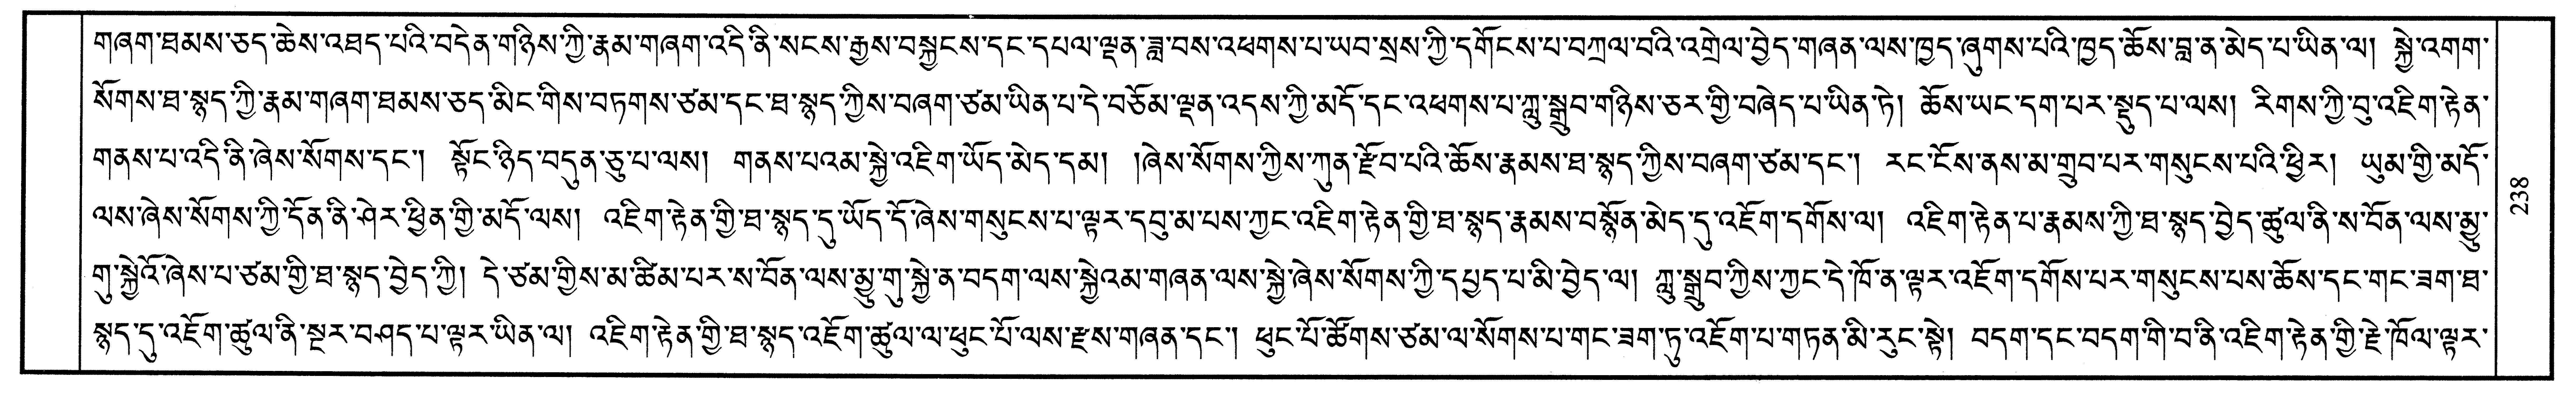གཞག་ཐམས་ཅད་ཆེས་འཐད་པའི་བདེན་གཉིས་ཀྱི་རྣམ་གཞག་འདི་ནི་སངས་རྒྱས་བསྐྱངས་དང་དཔལ་ལྡན་ཟླ་བས་འཕགས་པ་ཡབ་སྲས་ཀྱི་དགོངས་པ་བཀྲལ་བའི་འགྲེལ་བྱེད་གཞན་ལས་ཁྱད་ཞུགས་པའི་ཁྱད་ཆོས་བླ་ན་མེད་པ་ཡིན་ལ། སྐྱེ་འགག་
སོགས་ཐ་སྙད་ཀྱི་རྣམ་གཞག་ཐམས་ཅད་མིང་གིས་བཏགས་ཙམ་དང་ཐ་སྙད་ཀྱིས་བཞག་ཙམ་ཡིན་པ་དེ་བཅོམ་ལྡན་འདས་ཀྱི་མདོ་དང་འཕགས་པ་ཀླུ་སྒྲུབ་གཉིས་ཅར་གྱི་བཞེད་པ་ཡིན་ཏེ། ཆོས་ཡང་དག་པར་སྡུད་པ་ལས། རིགས་ཀྱི་བུ་འཇིག་རྟེན་
གནས་པ་འདི་ནི་ཞེས་སོགས་དང་། སྟོང་ཉིད་བདུན་ཅུ་པ་ལས། གནས་པའམ་སྐྱེ་འཇིག་ཡོད་མེད་དམ། །ཞེས་སོགས་ཀྱིས་ཀུན་རྫོབ་པའི་ཆོས་རྣམས་ཐ་སྙད་ཀྱིས་བཞག་ཙམ་དང་། རང་ངོས་ནས་མ་གྲུབ་པར་གསུངས་པའི་ཕྱིར། ཡུམ་གྱི་མདོ་
ལས་ཞེས་སོགས་ཀྱི་དོན་ནི་ཤེར་ཕྱིན་གྱི་མདོ་ལས། འཇིག་རྟེན་གྱི་ཐ་སྙད་དུ་ཡོད་དོ་ཞེས་གསུངས་པ་ལྟར་དབུ་མ་པས་ཀྱང་འཇིག་རྟེན་གྱི་ཐ་སྙད་རྣམས་བསྙོན་མེད་དུ་འཇོག་དགོས་ལ། འཇིག་རྟེན་པ་རྣམས་ཀྱི་ཐ་སྙད་བྱེད་ཚུལ་ནི་ས་བོན་ལས་མྱུ་
གུ་སྐྱེའོ་ཞེས་པ་ཙམ་གྱི་ཐ་སྙད་བྱེད་ཀྱི། དེ་ཙམ་གྱིས་མ་ཚིམ་པར་ས་བོན་ལས་མྱུ་གུ་སྐྱེ་ན་བདག་ལས་སྐྱེའམ་གཞན་ལས་སྐྱེ་ཞེས་སོགས་ཀྱི་དཔྱད་པ་མི་བྱེད་ལ། ཀླུ་སྒྲུབ་ཀྱིས་ཀྱང་དེ་ཁོ་ན་ལྟར་འཇོག་དགོས་པར་གསུངས་པས་ཆོས་དང་གང་ཟག་ཐ་
སྙད་དུ་འཇོག་ཚུལ་ནི་སྔར་བཤད་པ་ལྟར་ཡིན་ལ། འཇིག་རྟེན་གྱི་ཐ་སྙད་འཇོག་ཚུལ་ལ་ཕུང་པོ་ལས་རྫས་གཞན་དང་། ཕུང་པོ་ཚོགས་ཙམ་ལ་སོགས་པ་གང་ཟག་ཏུ་འཇོག་པ་གཏན་མི་རུང་སྟེ། བདག་དང་བདག་གི་བ་ནི་འཇིག་རྟེན་གྱི་རྗེ་ཁོལ་ལྟར་